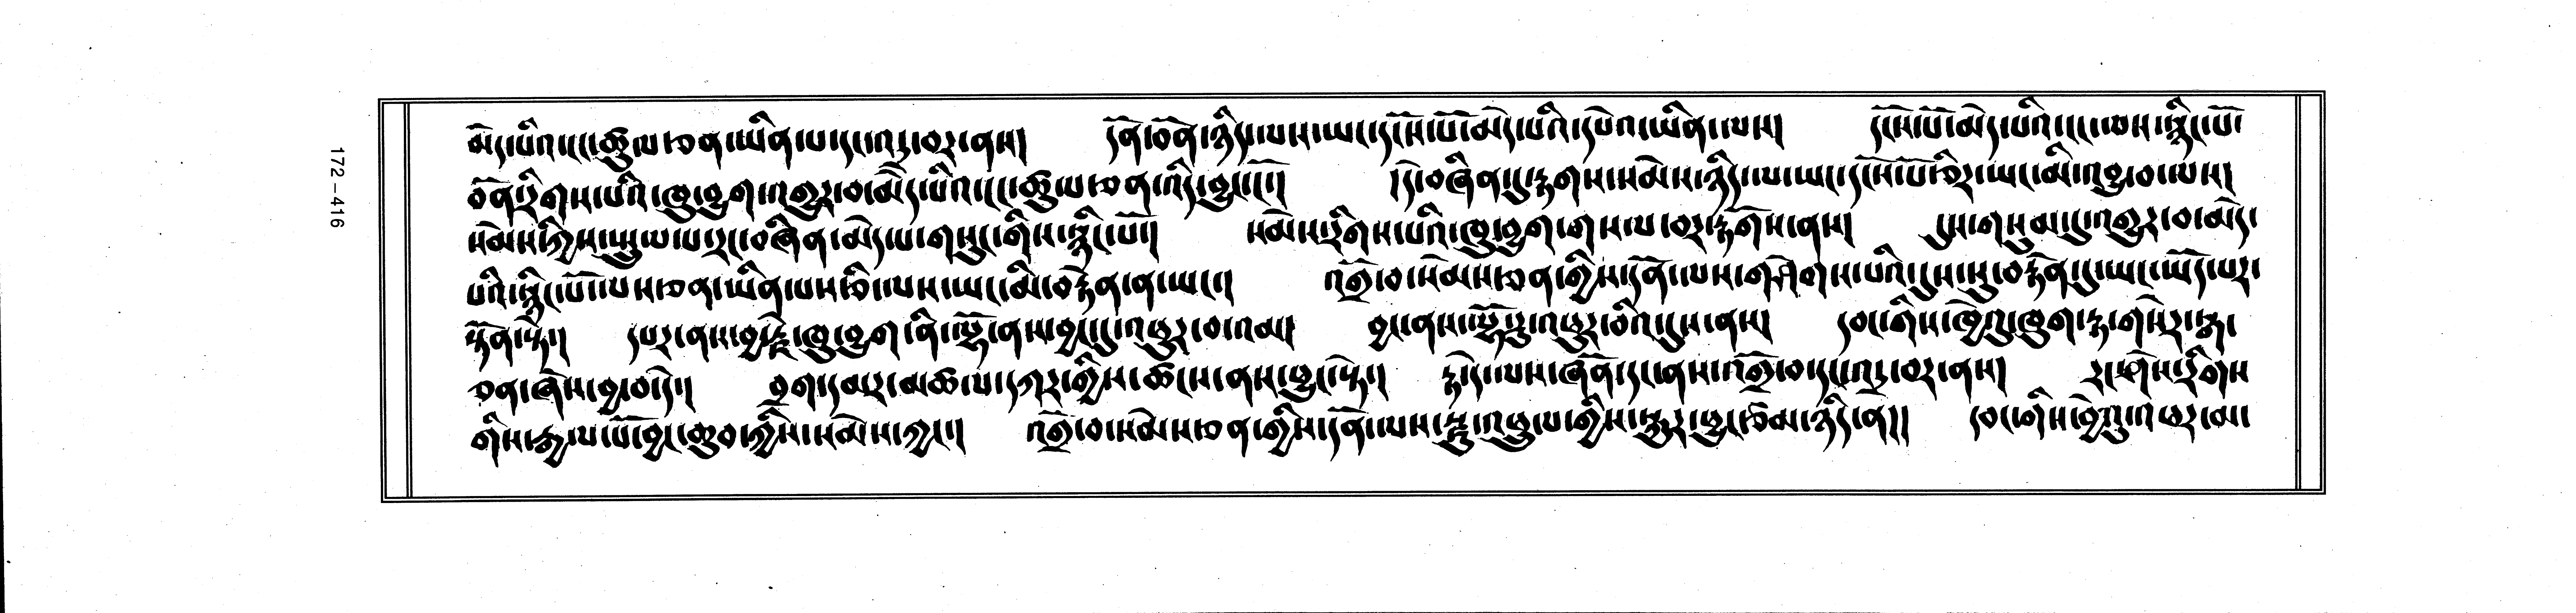མེད་པའི་ངང་ཚུལ་ཅན་ཡིན་པ་དང་འདྲ་བར་ནས། དོན་བོན་ཉིད་ལས་ཡང་དངོས་པོ་མེད་པའི་དཔེའ་ཡིན་ལས། དངོས་པོ་མེད་པའི་ངང་ལས་སྙིང་པོ་
བོན་རིགས་པའི་ཁུ་བྱུག་འགྱུར་བ་མེད་པའི་ངང་ཚུལ་ཅན་འདི་བྱུང་ངོ་། དེ་བཞིན་དུ་རྟགས་སེམས་ཉིད་ལ་ཡང་དངོས་པོ་ཅིར་ཡང་མི་འབྱུང་བ་ལས། 
སེམས་ཀྱིས་སྤྲུལ་པ་རང་བཞིན་མེད་པ་གསུང་གིས་སྙིང་པོ། སེམས་རིགས་པའི་ཁུ་བྱུག་གསལ་བར་རྟོགས་ནས། དུས་གསུམ་དུ་འགྱུར་བ་མེད་
པའི་སྙིང་པོ་ལས་ཅན་ཡིན་པས་ཅི་ལས་ཡང་མི་བརྟེན་ན་ཡང་། འགྲོ་བ་སེམས་ཅན་གྱིས་དོན་ལས་གཤེགས་པའི་དུས་སུ་བརྟེན་དུ་ཡང་ཡོད་པར་
སྟོན་སྟེ། དཔེ་ན་བྱ་རྗེ་ཁུ་བྱུག་ནི་ལྷོ་ནས་བྱང་དུ་འཕུར་བ་འམ། བྱང་ནས་ལྷོ་རུ་འཕུར་བའི་དུས་ནས། དབང་གིས་ཁྱེའུ་ཁུགས་རྟ་གསེར་སྒ་
ཅན་ཞེས་བྱ་བ་དེ། བྲག་དམར་མཚལ་དཀར་གྱིས་ཚངས་ནས་ཕྱུང་སྟེ། རྟ་དེ་ལས་ཞོན་དང་ནས་འགྲོ་བ་དང་འདྲ་བར་ན། རང་ཤེས་རིག་
གིས་རྒྱལ་པོ་བྱང་ཆུབ་ཀྱིས་སེམས་ཀྱང་། འགྲོ་བ་སེམས་ཅན་གྱིས་དོན་ལས་རྫུ་འཕྲུལ་གྱིས་སྐུར་ཕྱུང་ཙམ་ཉིད་ན། དབང་གིས་བྱེའུ་འཕར་མ་